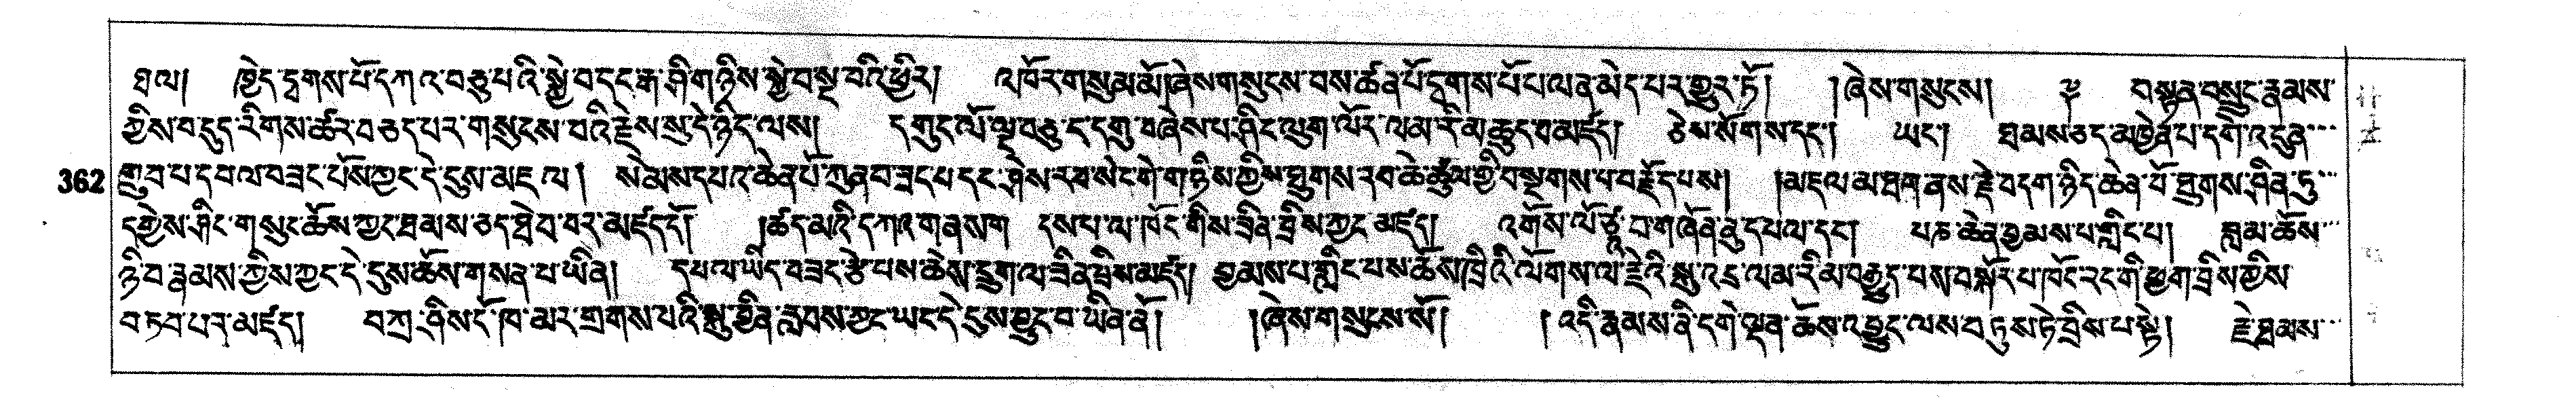ཐལ། ཁྱེད་དྭགས་པོ་དཀའ་བཅུ་པའི་སྐྱེ་བ་དང་རྒ་ཤི་གཉིས་སྐྱེ་བ་སྔ་བའི་ཕྱིར། འཁོར་གསུམ་མོ། ཞེས་གསུངས་པས་ཚན་པོ་དྭགས་པོ་པ་ལན་མེད་པར་གྱུར་ཏོ། །ཞེས་གསུངས། ༈ བསྟན་བསྲུང་རྣམས་
ཀྱིས་བདུད་རིགས་ཚར་བཅད་པར་གསུངས་པའི་རྗེས་སུ་དེ་ཉིད་ལས། དགུང་ལོ་ལྔ་བཅུ་ང་དགུ་བཞེས་པ་ཤིང་ལུག་ལོར་ལམ་རིམ་ཆུང་བ་མཛད། ཅེས་སོགས་དང་། ཡང་། ཐམས་ཅད་མཁྱེན་པ་དགེ་འདུན་
གྲུབ་པ་དཔལ་བཟང་པོས་ཀྱང་དེ་དུས་མཇལ། སེམས་དཔའ་ཆེན་པོ་ཀུན་བཟང་པ་དང་ཤེས་རབ་སེང་གེ་གཉིས་ཀྱིས་ཐུགས་རབ་ཆེ་ཚུལ་གྱི་བསྔགས་པ་བརྗོད་པས། །མཇལ་མ་ཐག་ནས་རྗེ་བདག་ཉིད་ཆེན་པོ་ཐུགས་ཤིན་ཏུ་
དགྱེས་ཤིང་གསུང་ཆོས་ཀྱང་ཐམས་ཅད་ཐེབ་བར་མཛད་དོ། །ཚད་མའི་དཀའ་གནས་ག་དས་པ་ལ་ཁོང་གིས་ཟིན་བྲིས་ཀྱང་མཛད། འགོས་ལོ་ཙཱ་བ་གཞོན་ནུ་དཔལ་དང་། པཎ་ཆེན་བྱམས་པ་གླིང་པ། བླ་མ་ཆོས་
ཉི་བ་རྣམས་ཀྱིས་ཀྱང་དེ་དུས་ཆོས་གསན་པ་ཡིན། དཔལ་ཡིད་བཟང་རྩེ་པས་ཆེས་དྲུག་ལ་ཟིན་པྲིས་མཛད། བྱམས་པ་གླིང་པས་ཆོས་ཁྲིའི་ལོགས་ལ་རྗེའི་སྐུ་འདྲ་ལམ་རིམ་བརྒྱུད་པས་བསྐོར་པ་ཁོང་རང་གི་ཕྱག་བྲིས་ཀྱིས་
བཏབ་པར་མཛད། བཀྲ་ཤིས་ངོ་ཁ་མར་གྲགས་པའི་སྐུ་བྱིན་རླབས་ཀྱང་ཡང་དེ་དུས་བྱུང་བ་ཡིན་ནོ། །ཞེས་གསུངས་སོ། །འདི་རྣམས་ནི་དགེ་ལྡན་ཆོས་འབྱུང་ལས་བཏུས་ཏེ་བྲིས་པ་སྟེ། རྗེ་ཐམས་